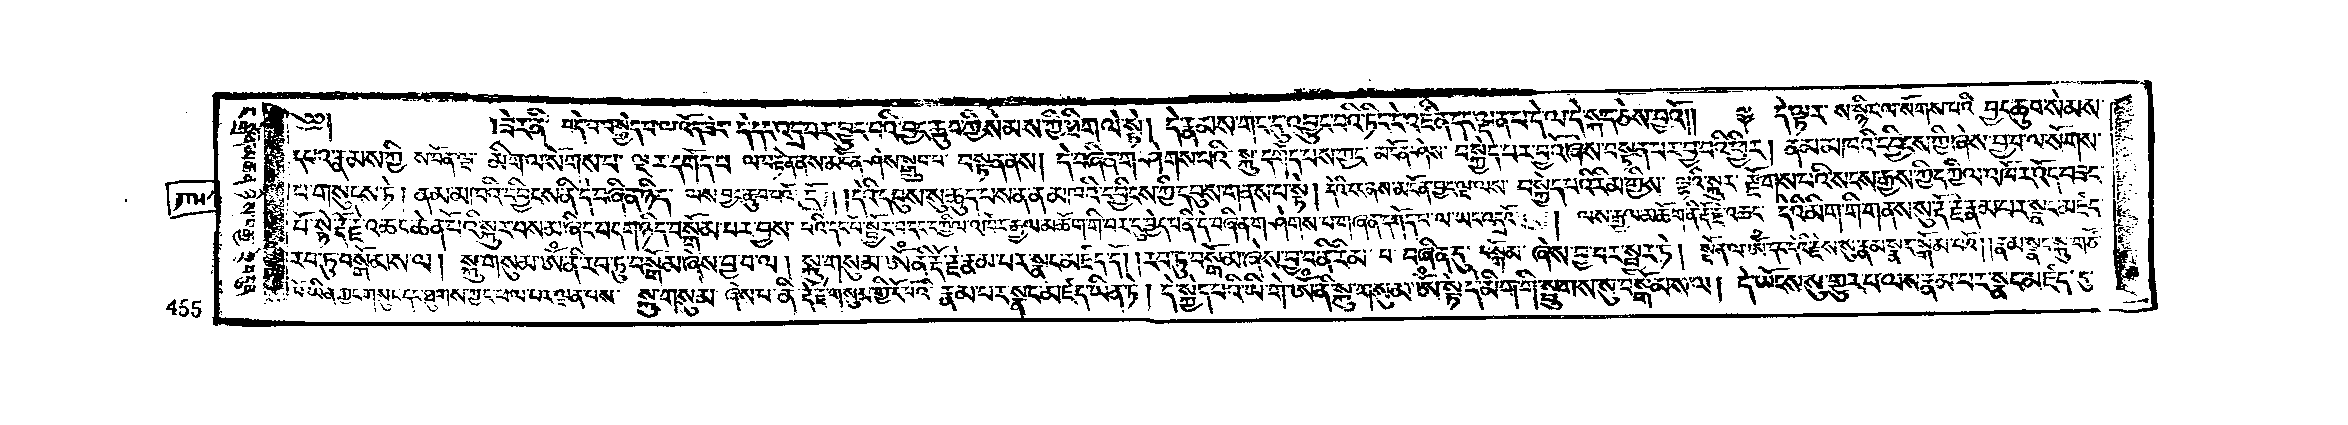༄༅། །ཟེར་ནི་བདེ་བ་བསྐྱེད་པ་ལ་འོད་ཟེར་དེ་དང་འདྲ་བར་བྱུང་བའི་བྱང་ཆུབ་ཀྱི་སེམས་ཀྱི་ཐིག་ལེ་སྟེ། དེ་རྣམས་གང་དུ་འབྱུང་བའི་ཏིང་ངེ་འཛིན་དང་ལྡན་པ་དེ་ལ་དེ་སྐད་ཅེས་བྱའོ།། ༈ དེ་ལྟར་ས་སྙིང་ལ་སོགས་པའི་བྱང་ཆུབ་སེམས་
དཔའ་རྣམས་ཀྱི་ས་བོན་ལྔ་མིག་ལ་སོགས་པ་ལྔར་དགོད་པ་ལ་བརྟེན་ནས་མངོན་ཤེས་སྒྲུབ་པ་བསྟན་ནས། དེ་བཞིན་གཤེགས་པའི་སྐུ་དགོད་པས་ཀྱང་མངོན་ཤེས་བསྐྱེད་པར་བྱའོ་ཞེས་བསྟན་པར་བྱ་བའི་ཕྱིར། ནམ་མཁའི་དབྱིངས་ཀྱི་ཞེས་བྱ་བ་ལ་སོགས་
པ་གསུངས་ཏེ། ནམ་མཁའི་དབྱིངས་ནི་དེ་བཞིན་ཉིད་ལས་བྱང་ཆུབ་པའོ་དོ། །དེའི་དབུས་སུ་ཆུད་པས་ན་ནམ་མཁའི་དབྱིངས་ཀྱི་དབུས་གནས་པ་སྟེ། དེའི་ངང་ནས་མངོན་བྱང་ལྔ་ལས་བསྐྱེད་པའི་རིམ་གྱིས་ལྷའི་སྐུར་རྫོགས་པའི་སངས་རྒྱས་ཀྱི་དཀྱིལ་འཁོར་འོད་བཟང་
པོ་སྟེ་རྡོ་རྗེ་འཆང་ཆེན་པོའི་སྐུར་བསམ་ཞིང་བདག་ཉིད་བསྒོམ་པར་བྱས་པའི་དང་པོ་སྦྱོར་བ་དང་དཀྱིལ་འཁོར་རྒྱལ་མཆོག་གི་བར་དུ་བྱེད་པ་ནི་དེ་བཞིན་གཤེགས་པ་གཞན་དགོད་པ་ལ་ཡང་འདྲའོ་ལ། ལས་རྒྱལ་མཆོག་ནི་རྡོ་རྗེ་འཆང་དེའི་མིག་གི་གནས་སུ་རྡོ་རྗེ་རྣམ་པར་སྣང་མཛད་
རབ་ཏུ་བསྒོམས་ལ། སྐུ་གསུམ་ཨོཾ་ནི་རབ་ཏུ་བསྒོམ་ཞེས་བྱ་བ་ལ། སྐུ་གསུམ་ཨོཾ་ནི་རྡོ་རྗེ་རྣམ་པར་སྣང་མཛད་དོ། །རབ་ཏུ་བསྒོམ་ཞེས་བྱ་བ་ནི་རིམ་པ་བཞིན་དུ་བསྒོམ་ཞེས་བྱ་བར་སྦྱར་ཏེ། སྔོན་ལ་ཨོཾ་དང་དེའི་རྗེས་སུ་རྣམ་སྣང་སྒོམ་པའོ། །རྣམ་སྣང་སྐུ་གཙོ་
པོ་ཡིན་ཀྱང་གསུང་དང་ཐུགས་ཀྱང་ཕལ་པར་ལྡན་པས་སྐུ་གསུམ་ཞེས་པ་ནི་རྡོ་རྗེ་གསུམ་གྱི་ངོ་བོའི་རྣམ་པར་སྣང་མཛད་ཡིན་ཏེ། དེ་སྐྱེད་པའི་ཡི་གེ་ཨོཾ་ནི་སྐུ་གསུམ་ཨོཾ་སྟེ་དེ་མིག་གི་སྦུགས་སུ་བསྒོམས་ལ། དེ་ཡོངས་སུ་གྱུར་པ་ལས་རྣམ་པར་སྣང་མཛད་དུ་